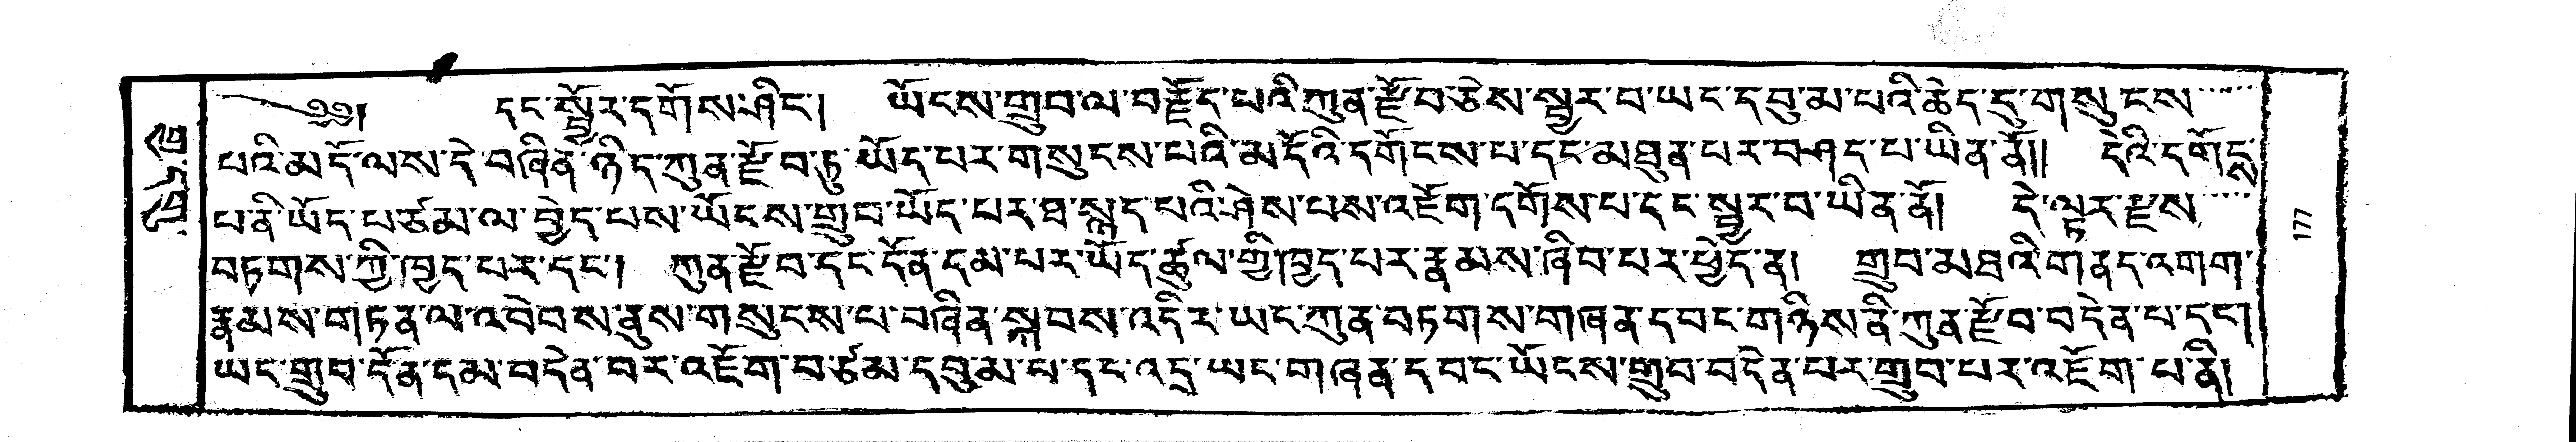༄༅། །དང་སྦྱོར་དགོས་ཤིང་། ཡོངས་གྲུབ་ལ་བརྗོད་པའི་ཀུན་རྫོབ་ཅེས་སྦྱར་བ་ཡང་དབུ་མ་པའི་ཆེད་དུ་གསུངས་
པའི་མདོ་ལས་དེ་བཞིན་ཉིད་ཀུན་རྫོབ་ཏུ་ཡོད་པར་གསུངས་པའི་མདོའི་དགོངས་པ་དང་མཐུན་པར་བཤད་པ་ཡིན་ནོ། །དེའི་དགོངས་
པ་ནི་ཡོད་པ་ཙམ་ལ་བྱེད་པས་ཡོངས་གྲུབ་ཡོད་པར་ཐ་སྙད་པའི་ཤེས་པས་འཇོག་དགོས་པ་དང་སྦྱར་བ་ཡིན་ནོ། དེ་ལྟར་རྫས་
བཏགས་ཀྱི་ཁྱད་པར་དང་། ཀུན་རྫོབ་དང་དོན་དམ་པར་ཡོད་ཚུལ་གྱི་ཁྱད་པར་རྣམས་ཞིབ་པར་ཕྱེད་ན། གྲུབ་མཐའི་གནད་འགག་
རྣམས་གཏན་ལ་འབེབས་ནུས་གསུངས་པ་བཞིན་སྐབས་འདིར་ཡང་ཀུན་བཏགས་གཞན་དབང་གཉིས་ནི་ཀུན་རྫོབ་བདེན་པ་དང་།
ཡང་གྲུབ་དོན་དམ་བདེན་བར་འཇོག་པ་ཙམ་དབུ་མ་པ་དང་འདྲ་ཡང་གཞན་དབང་ཡོངས་གྲུབ་བདེན་པར་གྲུབ་པར་འཇོག་པ་ནི།